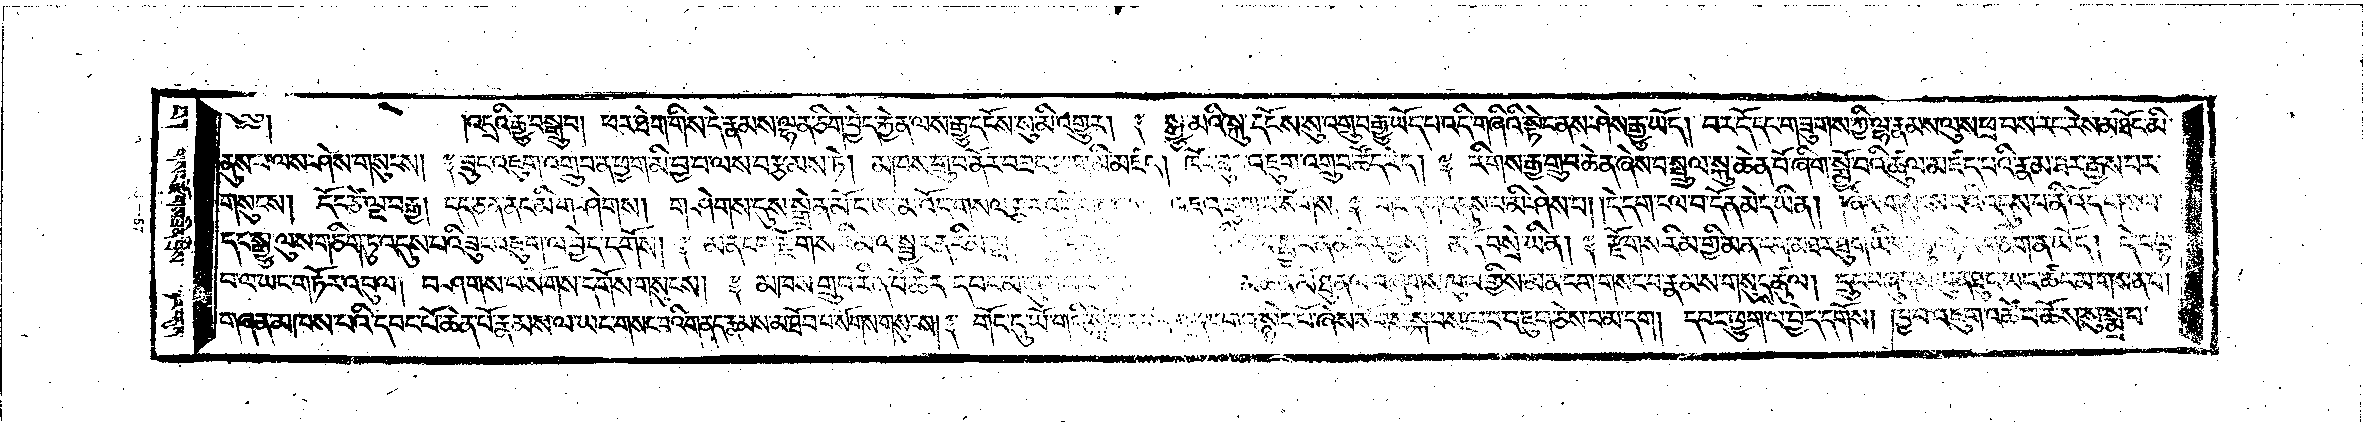༄༅། །འདྲའི་རྒྱུ་བསྒྲུབ། ཕར་ཐེག་གིས་དེ་རྣམས་ལྷན་ཅིག་བྱེད་རྐྱེན་ལས་རྒྱུ་དངོས་སུ་མི་འགྱུར། ༈ སྒྱུ་མའི་སྐུ་དངོས་སུ་འགྲུབ་རྒྱུ་ཡོད་པ་འདི་གཞིའི་སྟེང་ནས་ཤེས་རྒྱུ་ཡོད། བར་དོ་དང་གཟུགས་ཀྱི་ལྷ་རྣམས་ལུས་ཕྲ་བས་རང་རེས་མཐོང་མི་
ནུས་པ་ལས་ཤེས་གསུངས། ༈ ཟུང་འཇུག་འགྲུབ་ན་ཕྱག་མི་བྱ་བ་ལས་བརྩམས་ཏེ། མཁས་གྲུབ་ནོར་བཟང་ཕྱག་མི་མཛད། ཁོང་ཟུང་འཇུག་འགྲུབ་ཚོད་རེད། ༈ རིགས་རྒྱ་གྲུབ་ཆེན་ཞེས་བ་སྤྲུལ་སྐུ་ཆེན་པོ་ཞིག་སྨྱོ་བའི་ཚུལ་མཛད་པའི་རྣམ་ཐར་རྒྱས་པར་
གསུངས། དོང་ཙེ་ལྔ་བརྒྱ། དད་ཅན་ནང་མི་གཤེགས། གཤེགས་དུས་སྒྲེན་མོ་ང་ཨ་མ་འོད་གསལ་རྩར་འགྲོ་གསུངས། འཇའ་ཟུག་པ་སོགས། ༈ གང་དག་འདུས་པ་མི་ཤེས་པ། །དེ་དག་ངལ་བ་དོན་མེད་ཡིན། །ཞེས་གསུངས་པའི་འདུས་པ་ནི་འོད་གསལ་
དང་སྒྱུ་ལུས་གཅིག་ཏུ་འདུས་པའི་ཟུང་འཇུག་ལ་བྱེད་དགོས། ༈ མན་ངག་རྫོགས་རིམ་ལ་སྦྱར་ན་རིམ་ལྔ། སྤྱོད་བསྡུས། བསྐྱེད་རིམ་ལ་སྦྱར་ན་མདོར་བྱས། མདོ་བསྲེ་ཡིན། ༈ རྫོགས་རིམ་གྱི་མན་ངག་མཐར་ཐུག་ཡིག་ཆུང་ཉེར་གཅིག་ན་ཡོད། དེ་བལྟ་
བ་ལ་ཡང་གཏོར་འབུལ། བཤགས་པ་སོགས་དགོས་གསུངས། ༈ མཁས་གྲུབ་རིན་པོ་ཆེར་དབང་མ་ཞུས་པར་གནང་བ་དང་། མཚན་མོ་ཐུན་ལ་བཞུགས་ཁུལ་གྱིས་མན་ངག་གསང་བ་རྣམས་གསུངས་ཚུལ། དྲུང་བཞུགས་ཡུན་ཐུང་ཡང་ཚང་མ་གསན་པ།
གཞན་མཁས་པའི་དབང་པོ་ཆེན་པོ་རྣམས་ལ་ཡང་གསང་བའི་གནད་རྣམས་མཐོབ་པ་སོགས་གསུངས། ༈ གོང་དུ་ཡོ་གའི་སློབ་དཔོན་ཀུན་དགའ་སྙིང་པོ་ཞེས་སོགས་སྐབས་ཁྱབ་འཇུག་ཅེས་པ་མ་དག། དབང་ཕྱུག་ལ་བྱེད་དགོས། ཁྱབ་འཇུག་འཚེ་བ་ཆོས་སུ་སྨྲ་བ་